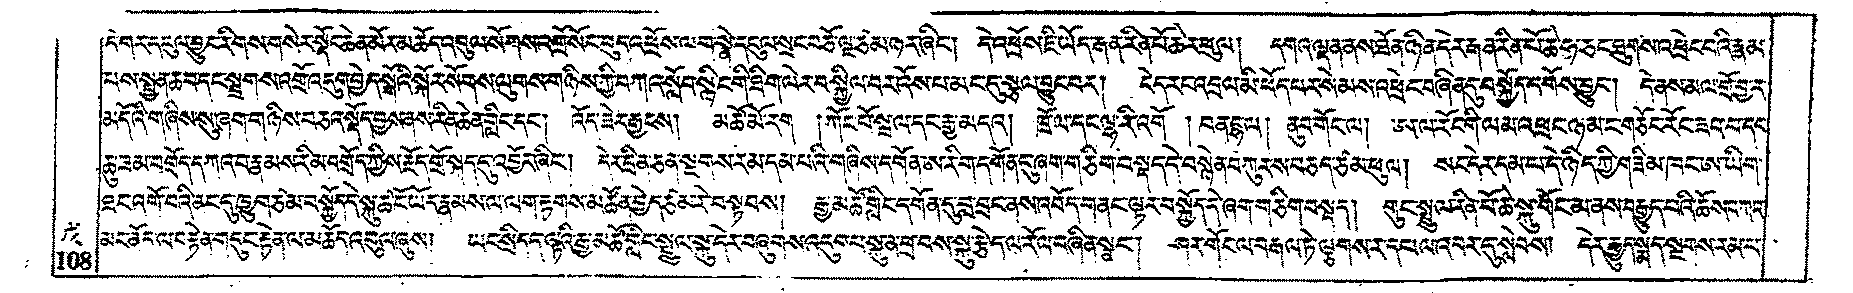དེ་གར་དངུལ་བྱུང་རིགས་གསེར་སྡོང་ཆེན་མོར་མཆོད་འབུལ་སོགས་འགྲོ་སོང་ཕུད་འཕྲོས་ལག་སྣེ་དངུལ་སྲང་བཅོ་ལྔ་ཙམ་ཉར་ཞིང་། དེ་འཕྲོས་ཇི་ཡོད་རྒན་རིན་པོ་ཆེར་ཕུལ། དགའ་ལྡན་ནས་ཐོན་ཉིན་དེར་རྒན་རིན་པོ་ཆེ་ཧ་ཅང་ཐུགས་འཕྲེང་བའི་རྣམ་
པས་སྤྱན་ཆབ་དང་སྦྲགས་འགྲོ་འདུག་བྱེད་སྒོའི་སྐོར་སོགས་ལུགས་གཉིས་ཀྱི་བཀའ་སློབ་སྙིང་གི་ཐིག་ལེར་བསྐྱིལ་བར་འོས་པ་མང་དུ་སྩལ་འབྱུང་བར། ངེད་རང་འབྲལ་མི་ཕོད་པར་སེམས་འཕྲེང་བཞིན་དུ་བསྐྱོད་དགོས་བྱུང་། དེ་ནས་མལ་གྲོ་བྱ་ར་
མདོའི་གཞིས་སུ་ཞག་གཉིས་བཅའ་སྡོད་བྱས་ནས་རིན་ཆེན་གླིང་དང་། འོད་ཟེར་རྒྱངས། མཚོ་མོ་རག །ཀོང་པོ་སྦ་ལ་དང་རྒྱ་མདའ། ཁྲོ་ལ་དང་ལྷ་རི་འགོ །བན་དྷ་ལ། ནུབ་གོང་ལ། ཨ་ལ་རོང་གི་ལམ་འཕྲང་ཉམ་ང་གཅོང་རོང་ཟབ་པ་དང་
ཆུ་ཟམ་བགྲོད་དཀའ་བ་རྣམས་རིམ་བགྲོད་ཀྱིས་རྔོད་གྲོ་སྐད་དུ་འབྱོར་ཞིང་། དེར་དྲིན་ཅན་སྔགས་རམ་དམ་པའི་གཞིས་དགོན་ཨ་རིག་དགོན་དུ་ཞག་གཅིག་བསྡད་དེ་བསྙེན་བཀུར་ས་བཅད་ཙམ་ཕུལ། སང་དེར་དམ་པ་དེ་ཉིད་ཀྱི་གཟིམ་ཁང་ཨ་ཡིག་
ཐང་འགོ་བའི་ནང་དུ་ཁྱུག་ཙམ་བསྐྱོད་དེ་སྐུ་ཚ་ངོ་ཡོད་རྣམས་ལ་ལག་རྟགས་མཚོན་བྱེད་ཙམ་རེ་བསྟབས། རྒྱ་མཚོ་གླིང་དགོན་དུ་བླ་བྲང་ནས་འབོད་གནང་ལྟར་བསྐྱོད་དེ་ཞག་གཅིག་བསྡད། གུང་སྤྲུལ་རིན་པོ་ཆེ་སྐུ་གོང་མ་ནས་བརྒྱུད་པའི་ཆོས་བཀའ་
མང་ནོད་ལ་བརྟེན་གདུང་རྟེན་ལ་མཆོད་འབུལ་ཞུས། ཡང་སྲིད་ད་ལྟའི་རྒྱ་མཚོ་གླིང་སྤྲུལ་སྐུ་དེར་བཞུགས་འདུག་པ་སྐུ་ན་ཕྲ་བས་སྐུ་རྩེད་ལ་རོལ་བཞིན་སྣང་། ཤར་གོང་ལ་བརྒལ་ཏེ་ལྕགས་ར་དཔལ་འབར་དུ་སླེབས། དེར་རྒྱུད་སྨད་སྔགས་རམ་པ་